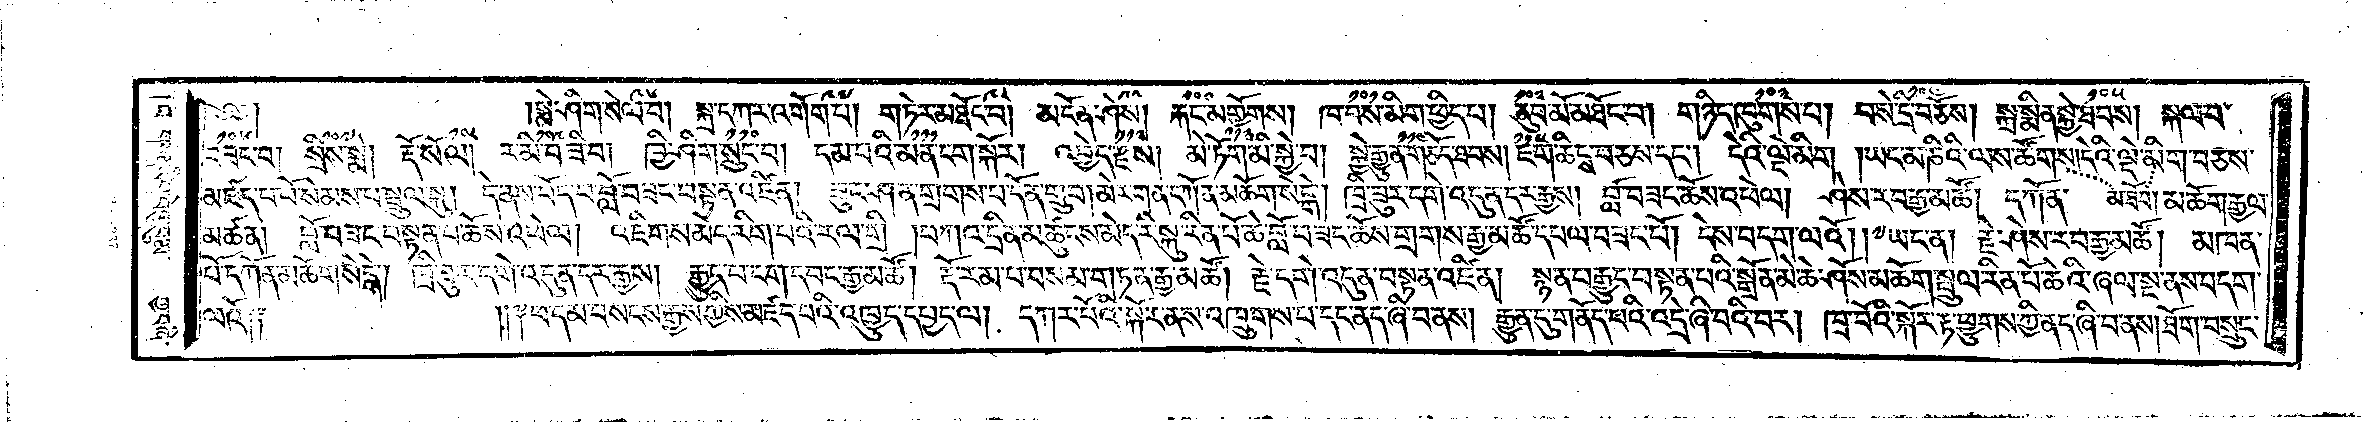༄༅། །སྨེ་ཤིག་སེལ་བ། སྐྲ་དཀར་འགོག་པ། གཏེར་མཐོང་བ། མངོན་ཤེས། རྐང་མགྱོགས། ཁ་བས་མིག་ཕྱིད་པ། ནུབ་མོ་མཐོང་བ། གཉིད་ཁུགས་པ། བ་སེ་དྲི་བཅོས། སྐྲ་སྨིན་སྐྱེ་ཐབས། སྐལ་བ་
བཟང་བ། སྲིས་སྨ། རྡོ་སོལ། ར་མི་བཟི་བ། ཁྱི་ཤིག་སྲུང་བ། དམ་པའི་མན་ངག་སྐོར། འབྱེད་རྫས། མེ་ཏོག་མི་སྐྱེ་བ། སྐྱེ་རྒྱུན་གཅོད་ཐབས། ཇག་ཆིངས་བཅས་དང་། དེའི་ལྡེ་མིག །ཡང་མཎིའི་ལས་ཚོགས་མ་ཐོབ། དེའི་ལྡེ་མིག་མ་ཐོབ།  བཅས་
མཛད་པ་པོ་སེམས་པ་སྤྲུལ་སྐུ། དེ་ནས་བོད་པ་བློ་བཟང་བསྟན་འཛིན། ཟུང་ཤན་གྲགས་པ་དོན་གྲུབ། མེར་གན་དཀོན་མཆོག་སེངྒེ། ཁྲི་ཟུར་དགེ་འདུན་དར་རྒྱས། བློ་བཟང་ཆོས་འཕེལ། ཤེས་རབ་རྒྱ་མཚོ། དཀོན་མཆོག་རྒྱལ་
མཚན། བློ་བཟང་བསྟན་པ་ཆོས་འཕེལ། འཇིགས་མེད་རིག་པའི་རལ་གྲི་།བཀའ་དྲིན་མཚུངས་མེད་རི་སྐུ་རིན་པོ་ཆེ་བློ་བཟང་ཆོས་གྲགས་རྒྱ་མཚོ་དཔལ་བཟང་པོ། དེས་བདག་ལའོ། །༧ཡང་ན། རྗེ་ཤེས་རབ་རྒྱ་མཚོ། མཁན་
པོ་དཀོན་མཆོག་སེངྒེ། ཁྲི་ཟུར་དགེ་འདུན་དར་རྒྱས། རྒྱུད་པ་ངག་དབང་རྒྱ་མཚོ། རྡོ་རམ་པ་བསམ་གཏན་རྒྱ་མཚོ། རྗེ་དགེ་འདུན་བསྟན་འཛིན། སྙན་བརྒྱུད་བསྟན་པའི་སྒྲོན་མེ་ཆེ་ཤོས་མཆོག་སྤྲུལ་རིན་པོ་ཆེའི་ཞལ་སྔ་ནས་བདག་
ལའོ༑༑ །།༈ ཕ་དམ་བསངས་རྒྱས་ཀྱིས་མཛད་པའི་འཁྱུད་དཔྱད་ལ། དཀར་པོའི་སྐོར་ནས་འཁྲུགས་པ་དང་ནད་ཞི་བ་ནས། རྒྱུན་དུ་གནོད་པའི་འདྲེ་ཞི་བའི་བར། ཁྲ་བོའི་སྐོར་རྟ་ཕྱུགས་ཀྱི་ནད་ཞི་བ་ནས། ཐོག་པ་སྲུང་